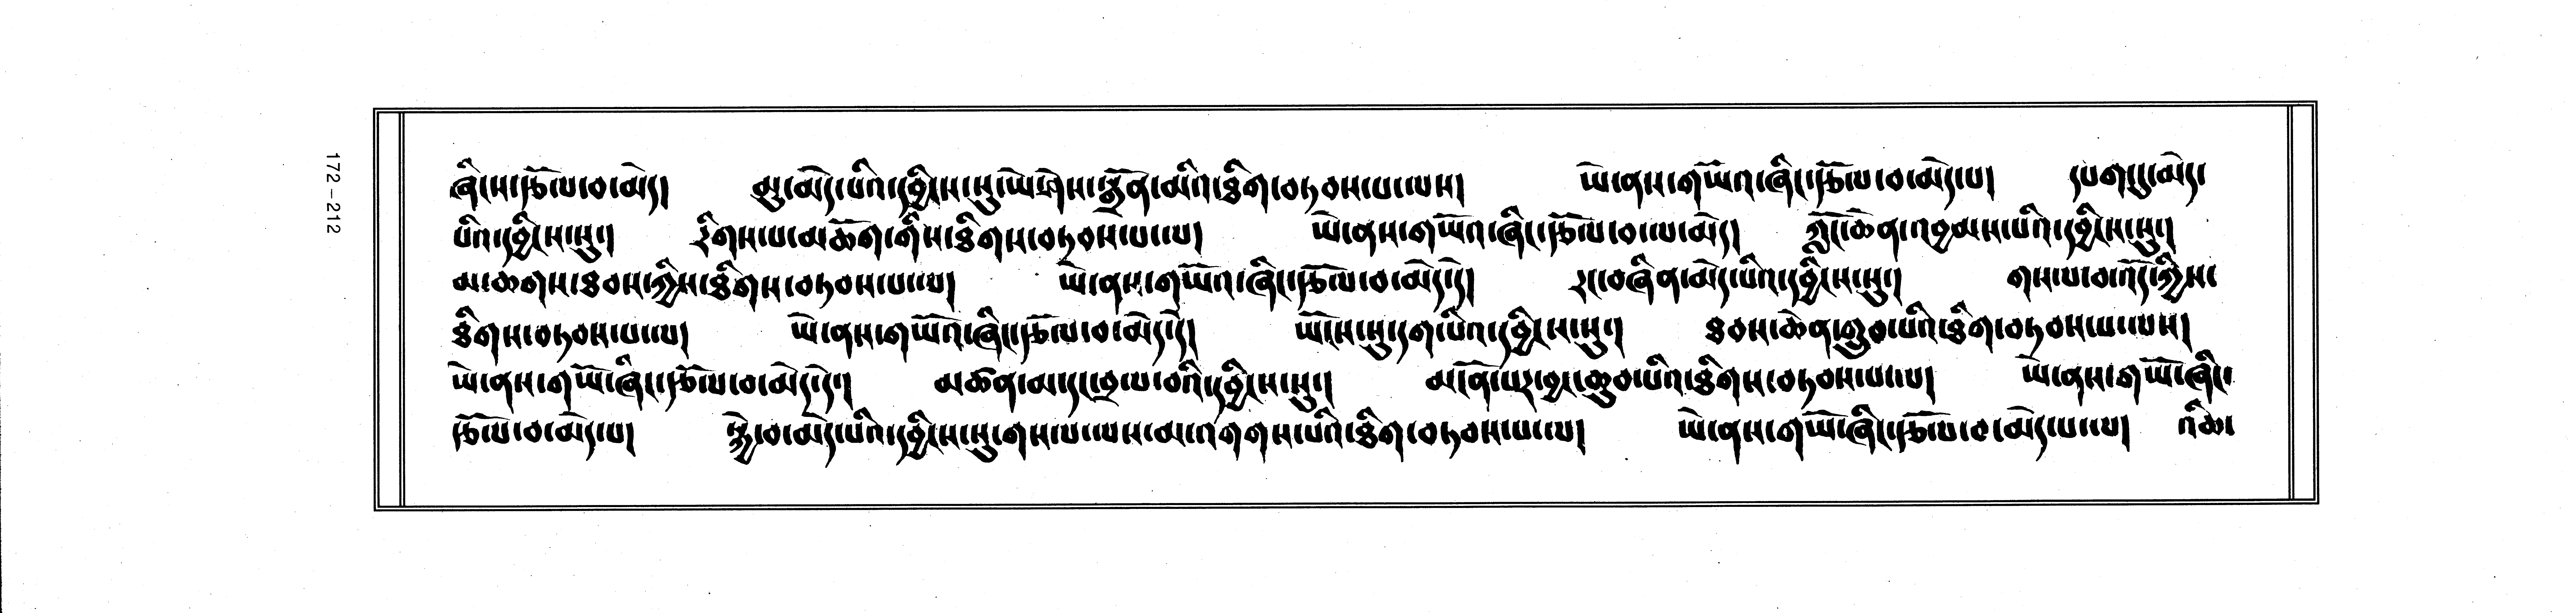ཞིང་རྩོལ་བ་མེད། མུ་མེད་པའི་དབྱིངས་སུ་ཡེ་ཤེས་སྒྲོན་མའི་ཐིག་བཏབས་པ་ལས། ཡེ་ནས་གཡོའ་ཞིང་རྩོལ་བ་མེད་པ། དཔག་དུ་མེད་
པའི་དབྱིངས་སུ། རིག་པ་མཆོག་གིས་ཐིག་བཏབས་པ་ལ། ཡེ་ནས་གཡོའ་ཞིང་རྩོལ་བ་ལ་མེད། ཀློང་ཆེན་འབྱམས་པའི་དབྱིངས་སུ། 
མ་ཆགས་ཐབས་ཀྱིས་ཐིག་བཏབས་པ་ལ། ཡེ་ནས་གཡོའ་ཞིང་རྩོལ་བ་མེད་དེ། རང་བཞིན་མེད་པའི་དབྱིངས་སུ། གསལ་བ་འོད་ཀྱིས་
ཐིག་བཏབས་པ་ལ། ཡེ་ནས་གཡོའ་ཞིང་རྩོལ་བ་མེད་དེ། ཡོངས་སུ་དག་པའི་དབྱིངས་སུ། ཐབས་ཆེན་གྲུབ་པའི་ཐིག་བཏབས་པ་ལས། 
ཡེ་ནས་གཡོ་ཞིང་རྩོལ་བ་མེད་དེ། མཚན་མ་དང་བྲལ་བའི་དབྱིངས་སུ། མངོན་པར་བྱང་ཆུབ་པའི་ཐིག་བཏབས་པ་ལ། ཡེ་ནས་གཡོ་ཞིང་
རྩོལ་བ་མེད་པ། སྐྱེ་བ་མེད་པའི་དབྱིངས་སུ་གསལ་ལས་མ་འགགས་པའི་ཐིག་བཏབས་པ་ལ། ཡེ་ནས་གཡོ་ཞིང་རྩོལ་བ་མེད་པ་ལ། འཆི་